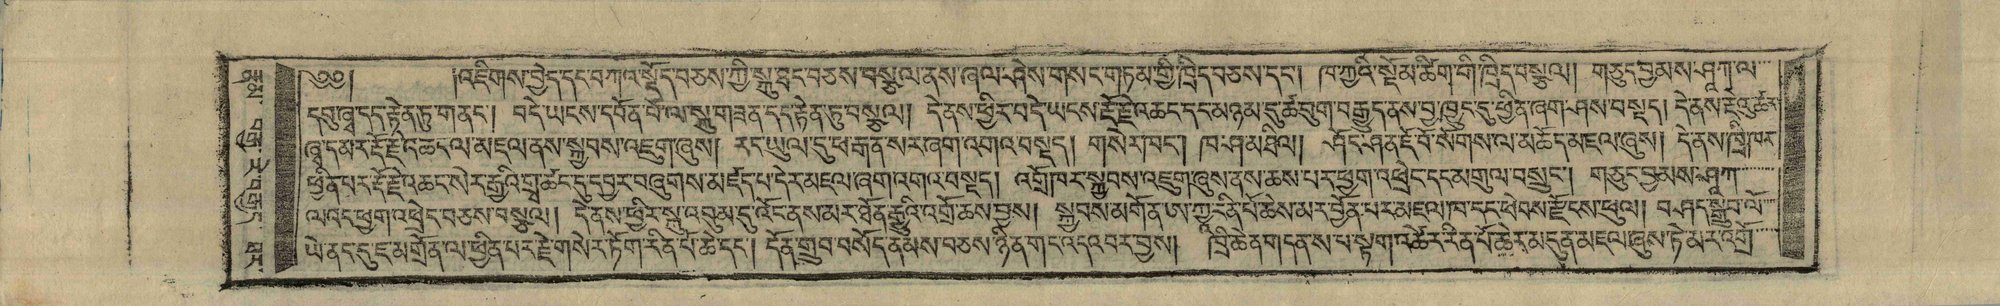༄༅། །འཇིགས་བྱེད་དང་བཀའ་སྡོད་བཅས་ཀྱི་སྐུ་ཐང་བཅས་བསྩལ་ནས་ཞལ་ཤེས་གསང་གཏམ་གྱི་ཁྲིད་བཅས་དང་། ཁ་ཀྱའི་སྡོམ་ཚིག་གི་ཁྲིད་བསྩལ། གཅུང་བྱམས་ཤཱཀ་ལ་
དབུ་ཞྭ་དད་རྟེན་ཏུ་གནང་། བདེ་ཡངས་དཔོན་པོ་ལ་སྐུ་གཟན་དད་རྟེན་ཏུ་བསྩལ། དེ་ནས་ཕྱིར་བདེ་ཡངས་རྡོ་རྗེ་འཆང་དང་མཉམ་དུ་ཚ་བུག་བརྒྱུད་ནས་བྱ་ཁྱུང་དུ་ཕྱིན་ཞག་ཤས་བསྡད། དེ་ནས་རྡེའུ་ཚར་
ཞྭ་དམར་རྡོ་རྗེ་འཆང་ལ་མཇལ་ནས་སྐྱབས་འཇུག་ཞུས། རང་ཡུལ་དུ་ཕ་རྒན་སར་ཞག་འགའ་བསྡད། གསེར་ཁང་། ཁ་ཤ་མཐིལ། ཤོང་ཤན་ཇོ་བོ་སོགས་ལ་མཆོད་མཇལ་ཞུས། དེ་ནས་ཁྲི་ཁར་
ཕྱིན་པར་རྡོ་རྗེ་འཆང་སེར་རྒྱའི་གྲྭ་ཚང་དུ་དབྱར་བཞུགས་མཛད་པ་དེར་མཇལ་ཞག་འགའ་བསྡད། འགྲོ་ཁར་སྐྱབས་འཇུག་ཞུས་ནས་ཆས་པར་ཕྱག་འཕྲེང་དང་མགུལ་བསྲུང་། གཅུང་བྱམས་ཤཱཀ་
ལའང་ཕྱག་འཕྲེང་བཅས་བསྩལ། དེ་ནས་ཕྱིར་སྐུ་འབུམ་དུ་འོང་ནས་མར་ཐོན་རྒྱུའི་འགྲོ་ཆས་བྱས། སྐྱབས་མགོན་ཨ་ཀྱཱ་རིན་པོ་ཆེས་མར་བྱོན་པར་མཇལ་ཁ་དང་ཕེབས་རྫོངས་ཕུལ། བཤད་སྒྲུབ་ལོ་
ཡེ་ནང་དུ་ཇ་མགྲོན་ལ་ཕྱིན་པར་རྗེ་གསེར་ཏོག་རིན་པོ་ཆེ་དང་། དོན་གྲུབ་བསོད་ནམས་བཅས་ཉིན་གང་འདའ་བར་བྱས། ཁྲི་ཆེན་གདན་ས་པ་སྟག་འཚེར་རིན་པོ་ཆེར་མདུན་མཇལ་ཞུས་ཏེ་མར་འགྲོ་